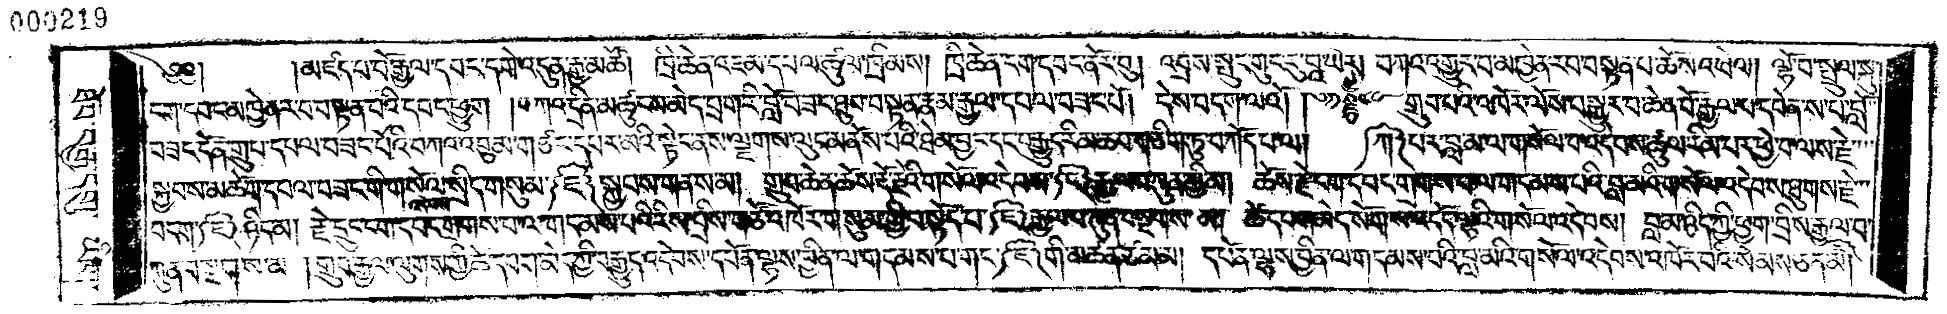༄༅། །མཛད་པ་པོ་རྒྱལ་དབང་དགེ་འདུན་རྒྱ་མཚོ། ཁྲི་ཆེན་འཇམ་དཔལ་ཚུལ་ཁྲིམས། ཁྲི་ཆེན་ངག་དབང་ནོར་བུ། འབྲས་སྤུང་གུང་རུ་བཱ་ཡར། བཀའ་འགྱུར་བ་མཁྱེན་རབ་བསྟན་པ་ཆོས་འཕེལ། ལྷོ་བ་སྤྲུལ་སྐུ་
ངག་དབང་མཁྱེན་རབ་བསྟན་པའི་དབང་ཕྱུག །བཀའ་དྲིན་མཚུངས་མེད་བྲག་རི་བློ་བཟང་ཐུབ་བསྟན་རྣམ་རྒྱལ་དཔལ་བཟང་པོ། དེས་བདག་ལའོ། །གྲུབ་པའི་འཁོར་ལོས་བསྒྱུར་བ་ཆེན་པོ་རྒྱལ་པ་དབེན་ས་པ་བློ་
བཟང་དོན་གྲུབ་དཔལ་བཟང་པོའི་བཀའ་འབུམ་གཙང་དཔར་མའི་སྟེང་ནས་ལྗགས་ལུང་མནོས་པའི་ཐེམ་བྱང་དང་བརྒྱུད་རིམ་ཆབ་གཅིག་ཏུ་བཀོད་པ་ལ། ༼ཀ༽ པར་བླ་མ་ལ་གསོལ་བ་འདེབས་ཚུལ་རིམ་པར་ཕྱེ་བ་ལས་རྗེ་
སྐྱབས་མཆོག་དཔལ་བཟང་གི་གསོལ་འདེབས་སྲིད་གསུམ། ༼ཇ༽ སྐྱབས་གནས་མ། གྲུབ་ཆེན་ཆོས་རྡོ་རྗེའི་གསོལ་འདེབས ༼ང༽ རྒྱལ་བ་ཀུན་གྱི་མ། ཆོས་རྗེ་ངག་དབང་གྲགས་པ་ལ་གདམས་པའི་བླ་མའི་གསོལ་འདེབས་ཐུགས་རྗེ་
བདག ༼ཇ༽ ཉིད་མ། རྗེ་དྲུང་ངག་དབང་གྲགས་པ་ལ་གདམས་པའི་རིས་བྲིས་གཙོ་འཁོར་གསུམ་གྱི་བསྟོད་པ ༼ཇ༽ རྒྱལ་པ་ཀུན་བསྔགས་མ། ཚེ་དཔག་མེད་སོགས་འདོད་ལྷའི་གསོལ་འདེབས། བླ་མ་ཉི་ཀྱི་ཕྱག་བྲིས་རྒྱལ་བ་
ཀུན་བསྔགས་མ་།གྲུབ་རྒྱལ་ལུགས་ཀྱི་ཚེ་དཔག་མེད་ཀྱི་བརྒྱུད་འདེབས་དཔོན་ལྷས་བྱིན་ལ་གདམས་པ་གང ༼ཇ༽ གི་མཚན་ཙམ་མ། དཔོན་ལྷས་བྱིན་ལ་གདམས་པའི་བླ་མའི་གསོལ་འདེབས་འཁོར་བའི་སེམས་ཅན་མ།